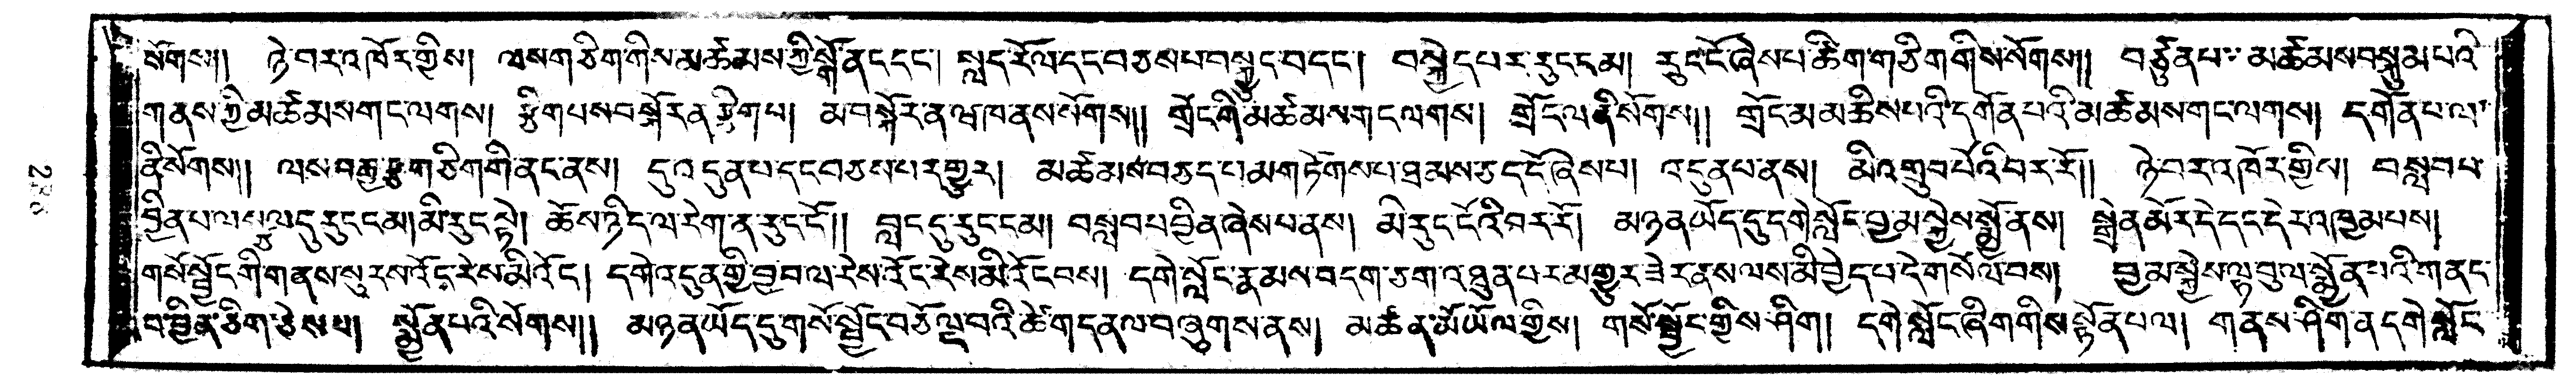སོགས།། ཉེ་བར་འཁོར་གྱིས། ལས་གཅིག་གིས་མཚམས་ཀྱི་སྒོ་ནང་དང་། སླད་རོལ་དང་བཅས་པ་བསྐྱུད་བ་དང་། བསྐྱེད་པར་རུང་ངམ། རུང་ངོ་ཞེས་པ་ཚིག་གཅིག་གིས་སོགས།། བཙུན་པ༑ མཚམས་བསྐུམ་པའི་
གནས་ཀྱི་མཚམས་གང་ལགས། རྩིག་པས་བསྐོར་ན་རྩིག་པ། མ་བསྐོར་ན་ཝ་ཁ་ནས་སོགས།། གྲོང་གི་མཚམས་གང་ལགས། གྲོང་ལ་ནི་སོགས།། གྲོང་མ་མཆིས་པའི་དགོན་པའི་མཚམས་གང་ལགས། དགོན་པ་ལ་
ནི་སོགས།། ལས་བརྒྱ་རྩ་གཅིག་གི་ནང་ནས། དུ་འདུན་པ་དང་བཅས་པར་གྱུར། མཚམས་བཅད་པ་མ་གཏོགས་པ་ཐམས་ཅད་དོ་ཞེས་པ། འདུན་པ་ནས། མི་འགྲུབ་པོའི་བར་རོ།། ཉེ་བར་འཁོར་གྱིས། བསླབ་པ་
བྱིན་པ་ལ་སྩལ་དུ་རུང་ངམ། མི་རུང་སྟེ། ཆོས་ཉིད་ལ་རེག་ན་རུང་ངོ།། བླང་དུ་རུང་ངམ། བསླབ་པ་བྱིན་ཞེས་པ་ནས། མི་རུང་ངོའི་བར་རོ།། མཉན་ཡོད་དུ་དགེ་སློང་བྱ་མ་སྐྱེས་སྨྱོ་ནས། སྒྲེན་མོར་དེ་དང་དེར་འཁྱམ་པས།
གསོ་སྦྱོང་གི་གནས་སུ་རེས་འོང་རེས་མིའོང་། དགེ་འདུན་གྱི་བྱ་བ་ལ་རེས་འོང་རེས་མི་འོང་བས། དགེ་སློང་རྣམས་བདག་ཅག་འཐུན་པར་མ་གྱུར་ཟེར་ནས་ལས་མི་བྱེད་པ་དེ་གསོལ་བས། བྱ་མ་སྐྱེས་ལྟ་བུ་ལ་སྨྱོན་པའི་གནང་
བ་བྱིན་ཅིག་ཅེས་པ། སྨྱོན་པའི་སོགས།། མཉན་ཡོད་དུ་གསོ་སྦྱོང་བཅོ་ལྔ་བའི་ཚེ་གདན་ལ་བཞུགས་ནས། མཚན་མོ་ཡོལ་གྱིས། གསོ་སྦྱོང་གྱིས་ཤིག། དགེ་སློང་ཞིག་གིས་སྟོན་པ་ལ། གནས་ཤིག་ན་དགེ་སློང་